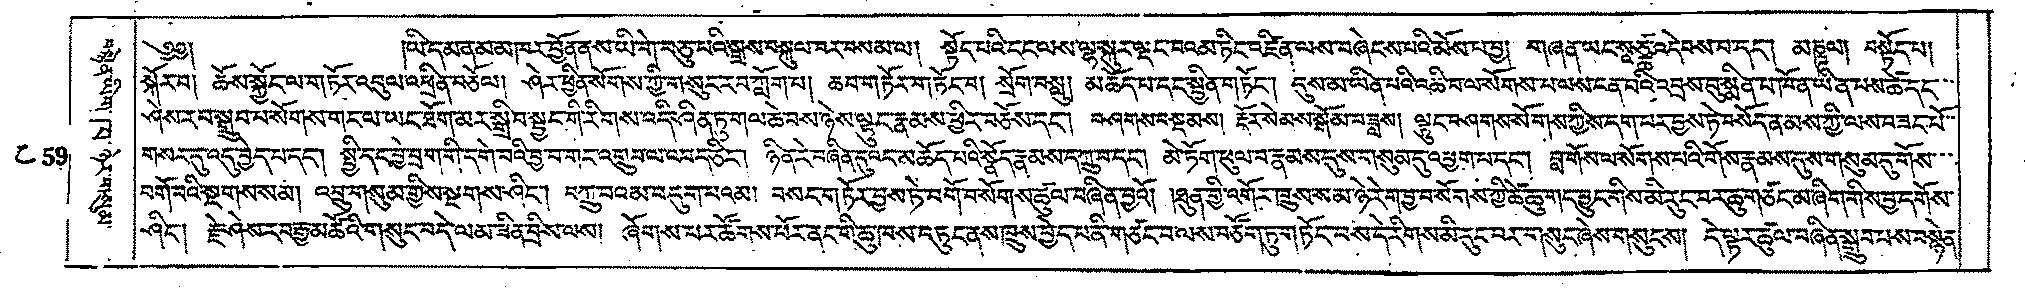༄༅། །ཡི་དམ་ནམ་མཁར་བྱོན་ནས་ཡི་གེ་བཅུ་པའི་སྒྲས་བསྐུལ་བར་བསམ་ལ། སྟོང་པའི་ངང་ལས་ལྷ་སྐུར་ལྡང་བའམ་ཏིང་འཛིན་ལས་བཞེངས་པའི་མོས་པ་བྱ། གཞན་ཡང་སཱ་ཙྪ་འདེབས་པ་དང་། མཎྜལ། བསྟོད་པ།
སྐོར་བ། ཆོས་སྐྱོང་ལ་གཏོར་འབུལ་འཕྲིན་བཅོལ། ཤེར་ཕྱིན་སོགས་ཀྱི་གསུང་རབ་ཀློག་པ། ཆབ་གཏོར་གཏོང་བ། སྲོག་བསླུ། མཆོད་པ་དང་སྦྱིན་གཏོང་། དུས་མ་ཡིན་པའི་འཆི་བ་ལ་སོགས་པ་ལས་ངན་པའི་འབྲས་བུ་སྨིན་པ་ཁོ་ན་ཡིན་པས་ཚེ་དང་་་
ཤེས་རབ་སྒྲུབ་པ་སོགས་གང་ལ་ཡང་ཐོག་མར་སྒྲིབ་སྦྱང་གི་རིགས་འདི་ཤིན་ཏུ་གལ་ཆེ་བས་ཉེས་ལྟུང་རྣམས་ཕྱིར་བཅོས་དང་། བཤགས་བསྡམས། རྡོར་སེམས་སྒོམ་བཟླས། ལྟུང་བཤགས་སོགས་ཀྱིས་དག་པར་བྱས་ཏེ་བསོད་ནམས་ཀྱི་ལས་བཟང་པོ་་་
གསར་དུ་འདུ་བྱེད་པ་དང་། སྤྱི་དང་བྱེ་བྲག་གི་དགེ་བའི་བྱ་བ་གང་འགྲུབ་ལ་འབད་ཅིང་། ཉིན་རེ་བཞིན་དུའང་མཆོད་པའི་སྣོད་རྣམས་དཀྲུ་བ་དང་། མེ་ཏོག་ཕུལ་བ་རྣམས་དུས་གསུམ་དུ་འཕྱག་པ་དང་། བླ་གོས་ལ་སོགས་པའི་གོས་རྣམས་དུས་གསུམ་དུ་གོས་་་
བགོ་བའི་སྔགས་སམ། འབྲུ་གསུམ་གྱིས་སྔགས་ཤིང་། བཀྲུ་བའམ་བདུག་པའམ། བསང་གཏོར་བྱས་ཏེ་བགོ་བ་སོགས་ཚུལ་བཞིན་བྱའོ། །ཐུན་གྱི་འགོར་ཁྲུས་སམ་ཉེ་རེག་བྱ་བ་སོགས་ཀྱི་ཚེ་ཆུ་གང་བྱུང་གིས་མི་རུང་བར་ཆུ་གཙང་མ་ཞིག་གིས་བྱ་དགོས་
ཤིང་། རྗེ་ཤེས་རབ་རྒྱ་མཚོའི་གསུང་བདེ་ལམ་ཟིན་བྲིས་ལས། ཞོགས་པར་ཚོགས་ཕོར་ནང་གི་ཆུ་ཁས་བཏུང་ནས་ཁྲུས་བྱེད་པ་ནི་གཙང་བ་ལས་བཙོག་ཏུ་གཏོང་བས་དེ་རིགས་མི་རུང་བར་གསུང་ཞེས་གསུངས། དེ་ལྟར་ཚུལ་བཞིན་སྒྲུབ་པས་བསྙེན་